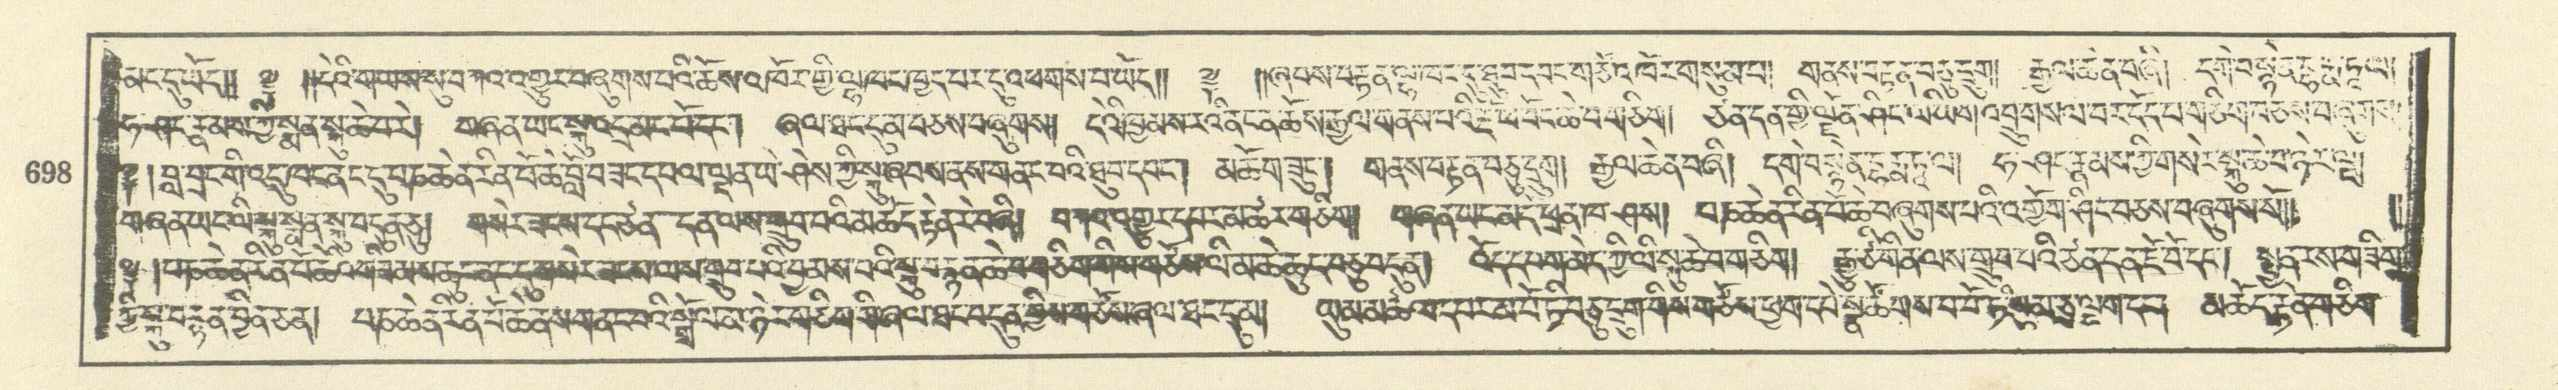མང་དུ་ཡོད།། ༈ །།དེའི་གཡས་སུ་བཀའ་འགྱུར་བཞུགས་པའི་ཆོས་འཁོར་གྱི་ལྷ་ཁང་ཁྱད་པར་དུ་འཕགས་པ་ཡོད།། ༈ །།ཞབས་བརྟན་ལྷ་ཁང་དུ་ཐུབ་དབང་གཙོ་འཁོར་གསུམ་པ། གནས་བརྟན་བཅུ་དྲུག། རྒྱལ་ཆེན་བཞི། དགེ་བསྙེན་དྷརྨ་ཏཱ་ལ།
ཧ་ཤང་རྣམས་ཀྱི་སྨན་སྐུ་ཆེ་བ་རེ། གཞན་ཡང་སྐུ་འདྲ་མང་པོ་དང་། ཞལ་ཐང་དུ་མ་བཅས་བཞུགས། དེའི་ཁྱམས་རའི་ནང་ན་ཆོས་རྒྱལ་གནས་པའི་རྡོ་ཕ་བོང་ཆེ་བ་གཅིག། ཙན་དན་གྱི་ལྗོན་ཤིང་ལ་ཡིག་འབྲུ་གསལ་བར་དོད་པ་གཅིག་བཅས་བཞུགས།
༈ །བླ་བྲང་གི་འདུ་ཁང་ནང་དུ་པཎ་ཆེན་རིན་པོ་ཆེ་བློ་བཟང་དཔལ་ལྡན་ཡེ་ཤེས་ཀྱི་སྐུ་ཞབས་ནས་གནང་བའི་ཐུབ་དབང་། མཆོག་ཟུང་། གནས་བརྟན་བཅུ་དྲུག། རྒྱལ་ཆེན་བཞི། དགེ་བསྙེན་དྷརྨ་ཏཱ་ལ། ཧ་ཤང་རྣམས་ཀྱི་གསེར་སྐུ་ཆེ་བ་ཉེར་ལྔ།
གཞན་ཡང་ལི་སྐུ་སྨན་སྐུ་བདུན་ཅུ། གསེར་ཟངས་དང་ཙན་དན་ལས་གྲུབ་པའི་མཆོད་རྟེན་རེ་བཞི། བཀའ་འགྱུར་དབར་མ་ཚར་གཅིག། གཞན་ཡང་མདོ་ཕྲན་ཁ་ཤས། པཎ་ཆེན་རིན་པོ་ཆེ་བཞུགས་པའི་འགྱོག་ཤིང་བཅས་བཞུགས་སོ།། །།
༈ །པཎ་ཆེན་རིན་པོ་ཆེའི་གཟིམས་ཆུང་ནང་དུ་གསེར་ཟངས་ལས་གྲུབ་པའི་བྱམས་པའི་སྐུ་བརྙན་ཆེ་བ་གཅིག་གིས་གཙོས་ལི་མ་ཆེ་ཆུང་བཅུ་བདུན། འོད་དཔག་མེད་ཀྱི་ལི་སྐུ་ཆེ་བ་གཅིག། རྒྱུ་ཙི་གིན་ལས་གྲུབ་པའི་ཙན་དན་ཇོ་བོ་དང་། སྤྱན་རས་གཟིགས་
ཀྱི་སྐུ་བརྙན་བྱིན་ཅན། པཎ་ཆེན་རིན་པོ་ཆེ་ནས་གནང་བའི་སྒྲོལ་མ་ཉེར་གཅིག་གི་ཞལ་ཐང་བདུན་གྱིས་གཙོས་ཞལ་ཐང་དུ་མ། ཡུམ་མཚལ་དབར་མ་པོ་ཏི་བཅུ་དྲུག་གིས་གཙོས་ཕྱག་དཔེ་སྣ་ཚོགས་པ་པོ་ཏི་སུམ་ཅུ་ལྷག་དང་། མཆོད་རྟེན་གཅིག་